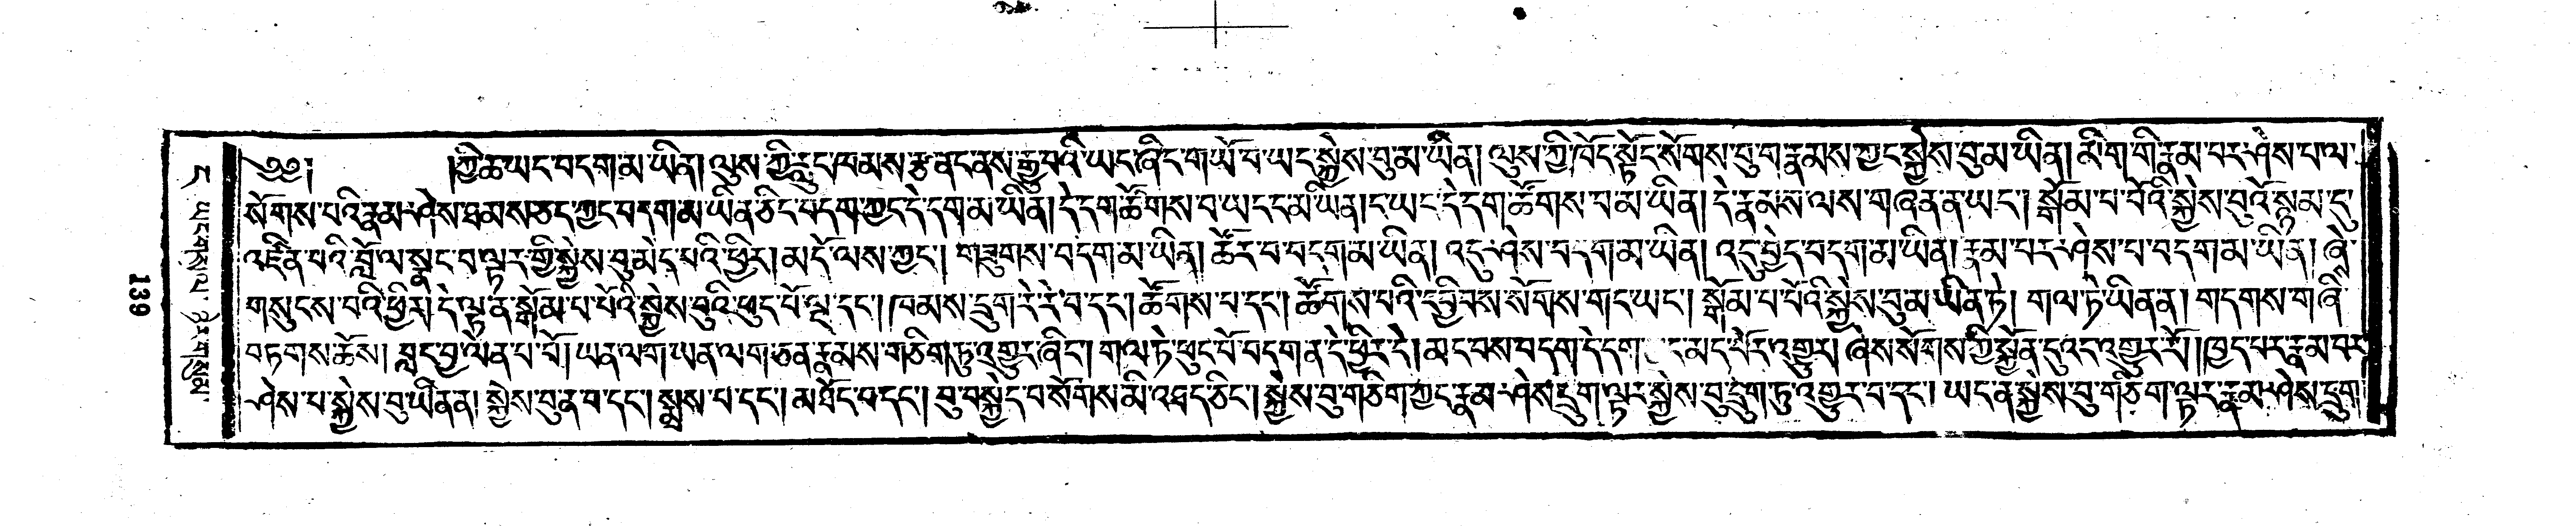༄༅། །ཀྱི་ཆ་ཡང་བདག་མ་ཡིན། ལུས་ཀྱི་རླུང་ཁམས་རྩ་ནང་ནས་རྒྱུ་བའི་ཡང་ཞིང་གཡོ་བ་ཡང་སྐྱེས་བུ་མ་ཡིན། ལུས་ཀྱི་ཁོང་སྟོང་སོགས་བུ་ག་རྣམས་ཀྱང་སྐྱེས་བུ་མ་ཡིན། མིག་གི་རྣམ་པར་ཤེས་པ་ལ་
སོགས་པའི་རྣམ་ཤེས་ཐམས་ཅད་ཀྱང་བདག་མ་ཡིན་ཅིང་བདག་ཀྱང་དེ་དག་མ་ཡིན། དེ་དག་ཚོགས་པ་ཡང་ང་མ་ཡིན། ང་ཡང་དེ་དག་ཚོགས་པ་མ་ཡིན། དེ་རྣམས་ལས་གཞན་ན་ཡང་། སྒོམ་པ་པོའི་སྐྱེས་བུའོ་སྙམ་དུ་
འཛིན་པའི་བློ་ལ་སྣང་བ་ལྟར་གྱི་སྐྱེས་བུ་མེད་པའི་ཕྱིར། མདོ་ལས་ཀྱང་། གཟུགས་བདག་མ་ཡིན། ཚོར་བ་བདག་མ་ཡིན། འདུ་ཤེས་བདག་མ་ཡིན། འདུ་བྱེད་བདག་མ་ཡིན། རྣམ་པར་ཤེས་པ་བདག་མ་ཡིན། ཞེས་
གསུངས་པའི་ཕྱིར། དེ་ལྟ་ན་སྒོམ་པ་པོའི་སྐྱེས་བུའི་ཕུང་པོ་ལྔ་དང་། ཁམས་དྲུག་རེ་རེ་བ་དང་། ཚོགས་པ་དང་། ཚོགས་པའི་དབྱིབས་སོགས་གང་ཡང་། སྒོམ་པ་པོའི་སྐྱེས་བུ་མ་ཡིན་ཏེ། གལ་ཏེ་ཡིན་ན། གདགས་གཞི་
བཏགས་ཆོས། བླང་བྱ་ལེན་པ་པོ། ཡན་ལག་ཡན་ལག་ཅན་རྣམས་གཅིག་ཏུ་འགྱུར་ཞིང་། གལ་ཏེ་ཕུང་པོ་བདག་ན་དེ་ཕྱིར་དེ། མང་བས་བདག་དེ་དག་ཀྱང་མང་པོར་འགྱུར། ཞེས་སོགས་ཀྱི་སྐྱོན་དུའང་འགྱུར་རོ། །ཁྱད་པར་རྣམ་པར་
ཤེས་པ་སྐྱེས་བུ་ཡིན་ན། སྐྱེས་བུ་ན་བ་དང་། སྨྲས་པ་དང་། མཐོང་བ་དང་། བུ་བསྐྱེད་པ་སོགས་མི་འཐད་ཅིང་། སྐྱེས་བུ་གཅིག་ཀྱང་རྣམ་ཤེས་དྲུག་ལྟར་སྐྱེས་བུ་དྲུག་ཏུ་འགྱུར་བ་དང་། ཡང་ན་སྐྱེས་བུ་གཅིག་ལྟར་རྣམ་ཤེས་དྲུག་